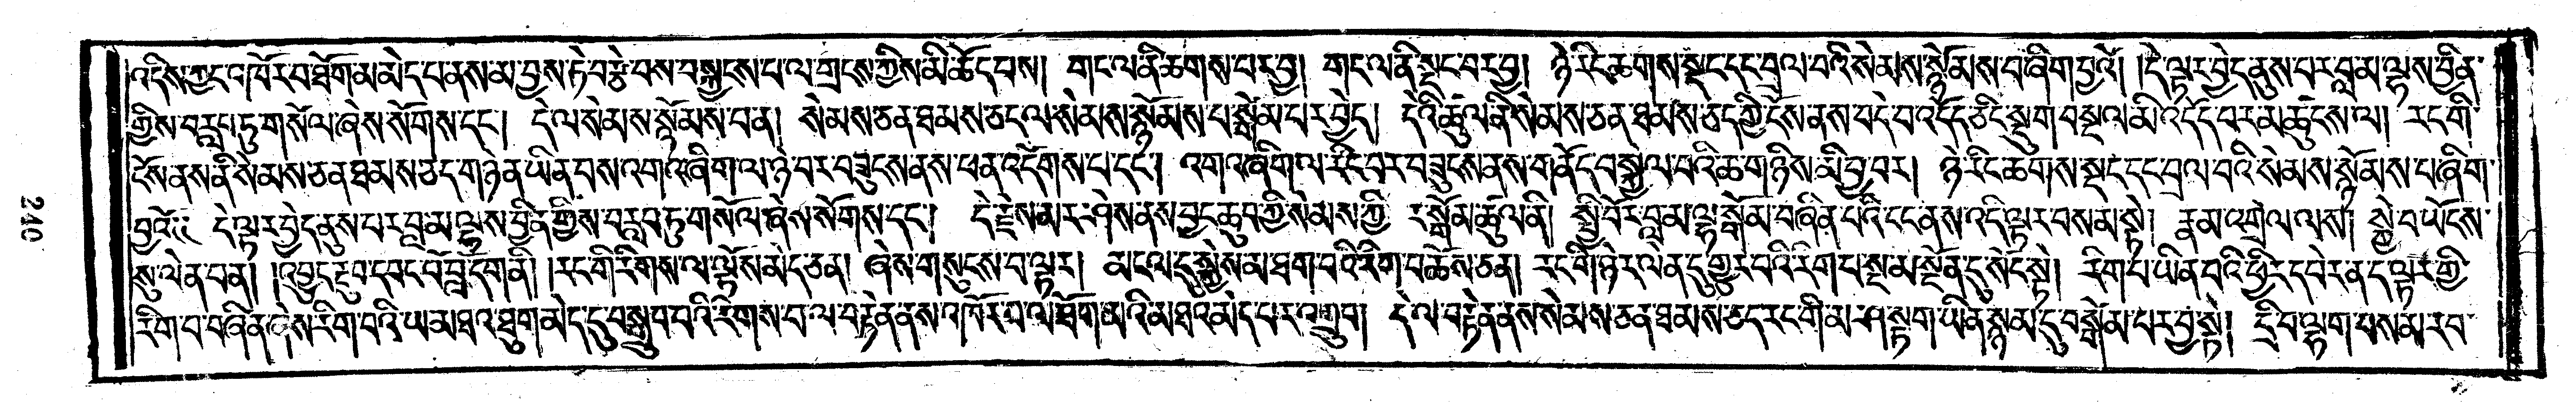འདིས་ཀྱང་འཁོར་བ་ཐོག་མ་མེད་པ་ནས་མ་བྱས་ཏེ་བརྩེ་བས་བསྐྱངས་པ་ལ་གྲངས་ཀྱིས་མི་ཆོད་བས། གང་ལ་ནི་ཆགས་པར་བྱ། གང་ལ་ནི་ཆགས་པར་བྱ། ཉེ་རིང་ཆགས་སྡང་དང་བྲལ་བའི་སེམས་སྙོམས་བ་ཞིག་བྱའོ། །དེ་ལྟར་བྱེད་ནུས་པར་བླ་མ་ལྷས་བྱིན་
གྱིས་བརླབ་ཏུ་གསོལ་ཞེས་སོགས་དང་། དེ་ལ་སེམས་སྙོམས་བ་ན། སེམས་ཅན་ཐམས་ཅད་ལ་སེམས་སྙོམས་པ་སྒོམ་པར་བྱེད། དེའི་ཚུལ་ནི་སེམས་ཅན་ཐམས་ཅད་ཀྱི་ངོས་ནས་བདེ་བ་འདོད་ཅིང་སྡུག་བསྔལ་མི་འདོད་བར་མཚུངས་ལ། རང་གི་
ངོས་ནས་ནི་སེམས་ཅན་ཐམས་ཅད་གཉེན་ཡིན་བས་འགའ་ཞིག་ལ་ཉེ་བར་བཟུངས་ནས་ཕན་འདོགས་པ་དང་། འགའ་ཞིག་ལ་རིང་བར་བཟུངས་ནས་གནོད་བསྐྱལ་བའི་ཆ་གཉིས་མི་བྱ་བར། ཉེ་རིང་ཆགས་སྡང་དང་བྲལ་བའི་སེམས་སྙོམས་པ་ཞིག་
བྱའོ༑ ༑དེ་ལྟར་བྱེད་ནུས་པར་བླ་མ་ལྷས་བྱིན་གྱིས་བརླབ་ཏུ་གསོལ་ཞེས་སོགས་དང་། དེ་རྗེས་མར་ཤེས་ནས་བྱང་ཆུབ་ཀྱི་སེམས་ཀྱི་ར་སྒོམ་ཚུལ་ནི། སྤྱི་བོར་བླ་མ་ལྷ་སྒོམ་བཞིན་པའི་ངང་ནས་འདི་ལྟར་བསམ་སྟེ། རྣམ་འགྲེལ་ལས། སྐྱེ་བ་ཡོངས་
སུ་ལེན་བན། །འབྱུང་རྡུབ་དབང་བོ་བློ་དག་ནི། །རང་གི་རིགས་ལ་ལྟོས་མེད་ཅན། ཞེས་གསུངས་བ་ལྟར། མངལ་དུ་སྐྱེས་མ་ཐག་བའི་རིག་བ་ཆོས་ཅན། རང་གི་ཉེར་ལེན་དུ་གྱུར་བའི་རིག་པ་སྔ་མ་སྔོན་དུ་སོང་སྟེ། རིག་པ་ཡིན་བའི་ཕྱིར་དཔེར་ན་ད་ལྟར་གྱི་
རིག་བ་བཞིན་ཞེས་རིག་བའི་ཡ་མཐའ་ཐུག་མེད་དུ་བསྒྲུབ་བའི་རིགས་བ་ལ་བརྟེན་ནས་འཁོར་བ་ལ་ཐོག་མའི་མཐའ་མེད་པར་འགྲུབ། དེ་ལ་བརྟེན་ནས་སེམས་ཅན་ཐམས་ཅད་རང་གི་མ་ཤ་སྟག་ཡིན་སྙམ་དུ་བསྒོམ་པར་བྱ་སྟེ། དྲི་བ་ལྷག་བསམ་རབ་